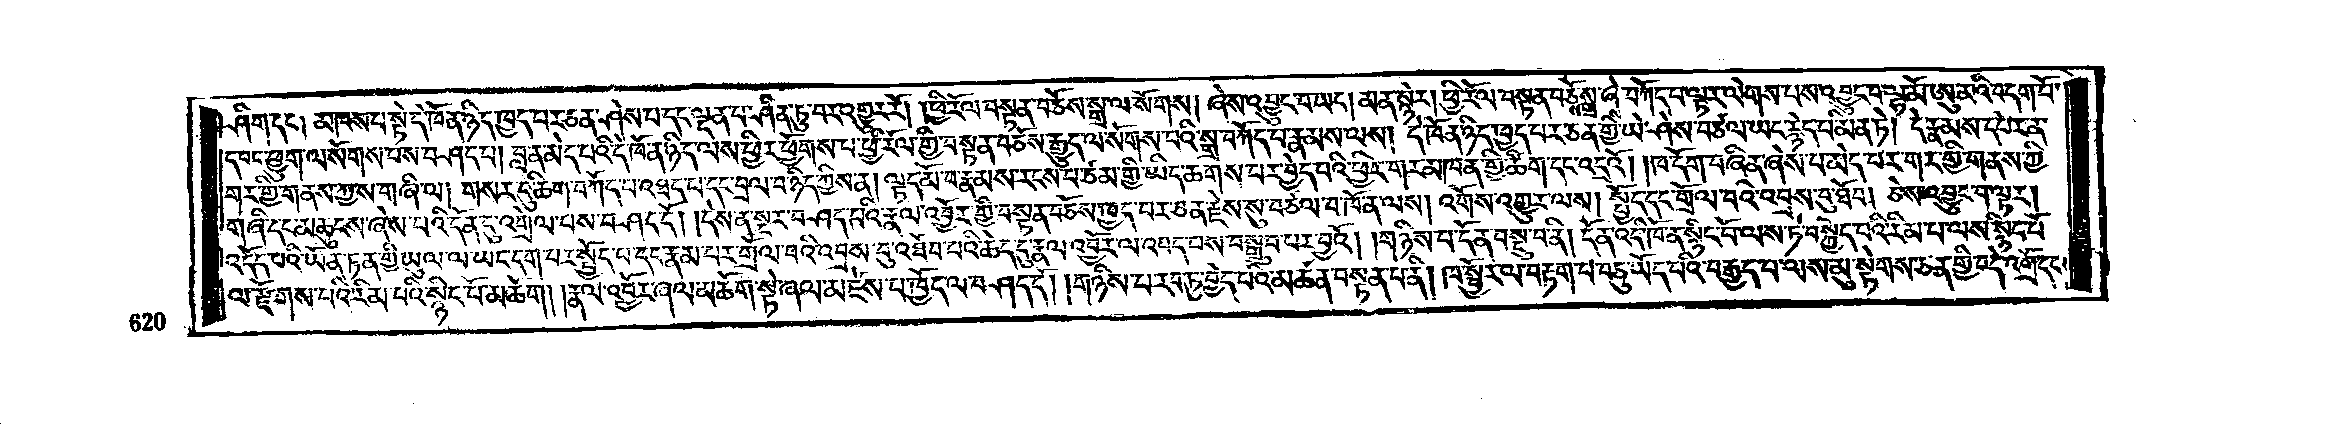ཤིག་དང་། མཁས་པ་སྟེ་དེ་ཁོ་ན་ཉིད་ཁྱད་པར་ཅན་ཤེས་པ་དང་ལྡན་པ་ཤིན་ཏུ་བར་འགྱུར་རོ། །ཕྱི་རོལ་བསྟན་བཅོས་སྒྲ་ལ་སོགས། ཞེས་འབྱུང་བ་ཡང་། མན་སྙེར། ཕྱི་རོལ་བསྟན་བཅོས་སྒྲ་ཞེས་བཀོད་པ་ལྟར་ལེགས་པས་འབྱུང་བ་ལྷ་མོ་ཨུ་མའི་བདག་པོ་
དབང་ཕྱུག་ལ་སོགས་པས་བཤད་པ། བླ་ན་མེད་པའི་དེ་ཁོ་ན་ཉིད་ལས་ཕྱིར་ཕྱོགས་པ་ཕྱི་རོལ་གྱི་བསྟན་བཅོས་རྒྱུད་ལ་སོགས་པའི་སྒྲ་བཀོད་པ་རྣམས་ལས། དེ་ཁོ་ན་ཉིད་ཁྱད་པར་ཅན་གྱི་ཡེ་ཤེས་བཙལ་ཡང་རྙེད་པ་མིན་ཏེ། དེ་རྣམས་དཔེར་ན་
གར་གྱི་གནས་ཀྱིས་གཞི་ལ། གསར་དུ་ཚིག་བཀོད་པ་འཐད་པ་དང་བྲལ་བ་ཉིད་ཀྱིས་ན། ལྟད་མོ་བ་རྣམས་རངས་པ་ཙམ་གྱི་ཡིད་ཆགས་པར་བྱེད་པའི་ཕྱིར་གར་མཁན་གྱི་ཚིག་དང་འདྲའོ། །ཁ་དོག་བཞིན་ཞེས་པ་མེད་པར་གར་གྱི་གནས་ཀྱི་
གཞི་དང་མཚུངས་ཞེས་པའི་དོན་དུ་འགྲེལ་པས་བཤད་དོ། །དེས་ན་སྔར་བཤད་པའི་རྣལ་འབྱོར་གྱི་བསྟན་བཅོས་ཁྱད་པར་ཅན་རྗེས་སུ་བཙལ་བ་ཁོ་ན་ལས། འགོས་འགྱུར་ལས། སྤྱོད་དང་གྲོལ་བའི་འབྲས་བུ་ཐོབ། ཅེས་འབྱུང་བ་ལྟར།
འདོད་པའི་ཡོན་ཏན་གྱི་ཡུལ་ལ་ཡང་དག་པར་སྤྱོད་པ་དང་རྣམ་པར་གྲོལ་བའི་འབྲས་བུ་འཐོབ་པའི་ཆེད་དུ་རྣལ་འབྱོར་ལ་འབད་པས་བསྒྲུབ་པར་བྱའོ། །གཉིས་པ་དོན་བསྡུ་བ་ནི། དོན་འདི་ཁོ་ན་སྙིང་པོ་ལས་ཏེ་བསྐྱེད་པའི་རིམ་པ་ལས་སྙིང་པོ་
ལ་རྫོགས་པའི་རིམ་པའི་སྙིང་པོ་མཆོག། །རྣལ་འབྱོར་ཞལ་མཆོག་སྟེ་ཞལ་མཛེས་པ་ཁྱོད་ལ་བཤད་དོ། །གཉིས་པ་རབ་ཏུ་བྱེད་པའི་མཚན་བསྟན་པ་ནི། ཁ་སྦྱོར་ལ་བརྟག་པ་བཅུ་ཡོད་པའི་བརྒྱད་པ་ལས་མུ་སྟེགས་ཅན་གྱི་བདེ་འགྲོ་དང་